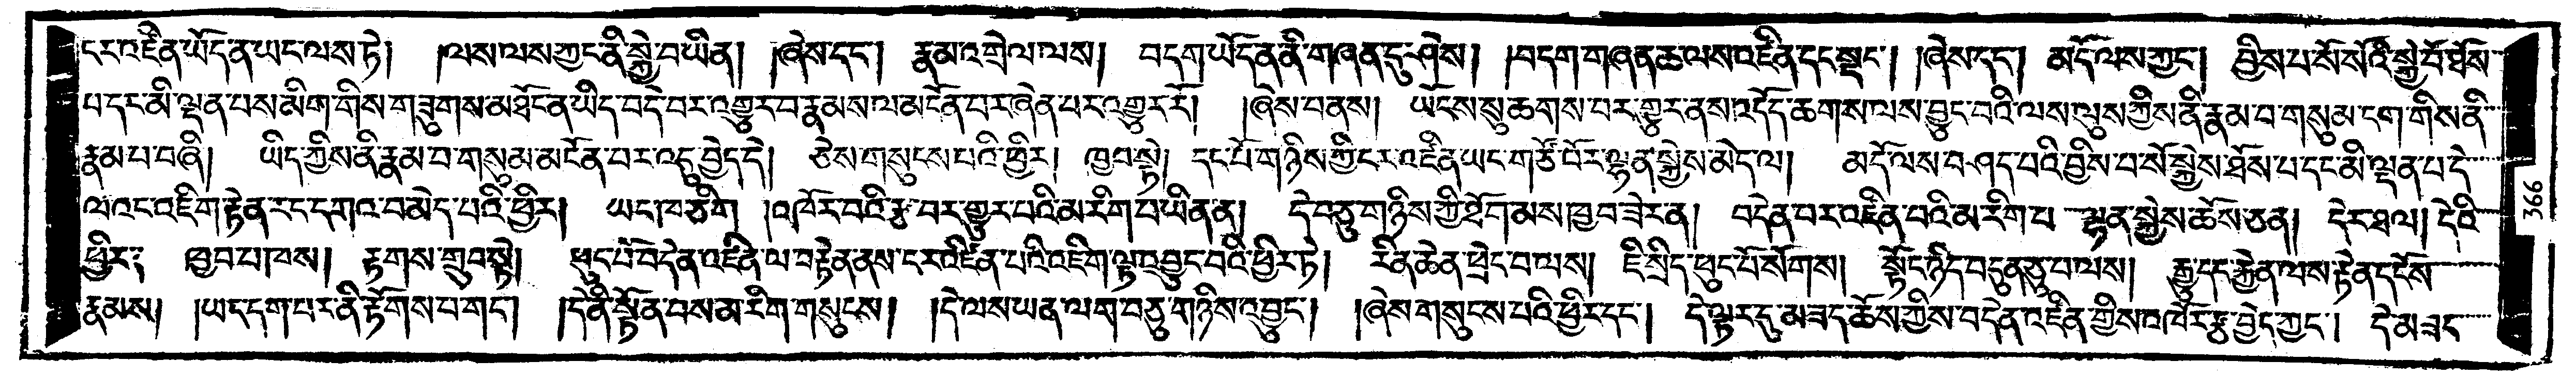ངར་འཛིན་ཡོད་ན་ཡང་ལས་ཏེ། །ལས་ལས་ཀྱང་ནི་སྐྱེ་བ་ཡིན། །ཞེས་དང་། རྣམ་འགྲེལ་ལས། བདག་ཡོད་ན་ནི་གཞན་དུ་ཤེས། །བདག་གཞན་ཆ་ལས་འཛིན་དང་སྡང་། །ཞེས་དང་། མདོ་ལས་ཀྱང་། བྱིས་པ་སོ་སོའི་སྐྱེ་བོ་ཐོས་
པ་དང་མི་ལྡན་པས་མིག་གིས་གཟུགས་མཐོང་ན་ཡིད་བདེ་བར་འགྱུར་བ་རྣམས་ལ་མངོན་པར་ཞེན་པར་འགྱུར་རོ། །ཞེས་པ་ནས། ཡོངས་སུ་ཆགས་པར་གྱུར་ནས་འདོད་ཆགས་ལས་བྱུང་བའི་ལས་ལུས་ཀྱིས་ནི་རྣམ་པ་གསུམ་ངག་གིས་ནི་
རྣམ་པ་བཞི། ཡིད་ཀྱིས་ནི་རྣམ་པ་གསུམ་མངོན་པར་འདུ་བྱེད་དེ། ཅེས་གསུངས་པའི་ཕྱིར། ཁྱབ་སྟེ། དང་པོ་གཉིས་ཀྱི་ངར་འཛིན་ཡང་གཙོ་བོར་ལྷན་སྐྱེས་མེད་ལ། མདོ་ལས་བཤད་པའི་བྱིས་པ་སོ་སྐྱེས་ཐོས་པ་དང་མི་ལྡན་པ་དེ་
ལའང་འཇིག་རྟེན་རང་དགའ་བ་མེད་པའི་ཕྱིར། ཡང་ཁ་ཅིག །འཁོར་བའི་རྩ་བར་གྱུར་པའི་མ་རིག་པ་ཡིན་ན། དེ་བཅུ་གཉིས་ཀྱི་ཐོག་མས་ཁྱབ་ཟེར་ན། བདེན་པར་འཛིན་པའི་མ་རིག་པ་ལྷན་སྐྱེས་ཆོས་ཅན། དེར་ཐལ། དེའི་
ཕྱིར༑ ཁྱབ་པ་ཁས། རྟགས་གྲུབ་སྟེ། ཕུང་པོ་བདེན་འཛིན་ལ་བརྟེན་ནས་ངར་འཛིན་པའི་འཇིག་ལྟ་འབྱུང་བའི་ཕྱིར་ཏེ། རིན་ཆེན་ཕྲེང་བ་ལས། ཇི་སྲིད་ཕུང་པོ་སོགས། སྟོང་ཉིད་བདུན་ཅུ་པ་ལས། རྒྱུ་དང་རྐྱེན་ལས་རྟེན་དངོས་
རྣམས། །ཡང་དག་པར་ནི་རྟོགས་པ་གང་། །དེ་ནི་སྟོན་པས་མ་རིག་གསུངས། །དེ་ལས་ཡན་ལག་བཅུ་གཉིས་འབྱུང་། །ཞེས་གསུངས་པའི་ཕྱིར་དང་། དེ་ལྟར་དུ་མ་ཟད་ཆོས་ཀྱིས་བདེན་འཛིན་གྱིས་འཁོར་རྩ་བྱེད་ཀྱང་། དེ་མ་ཟད་